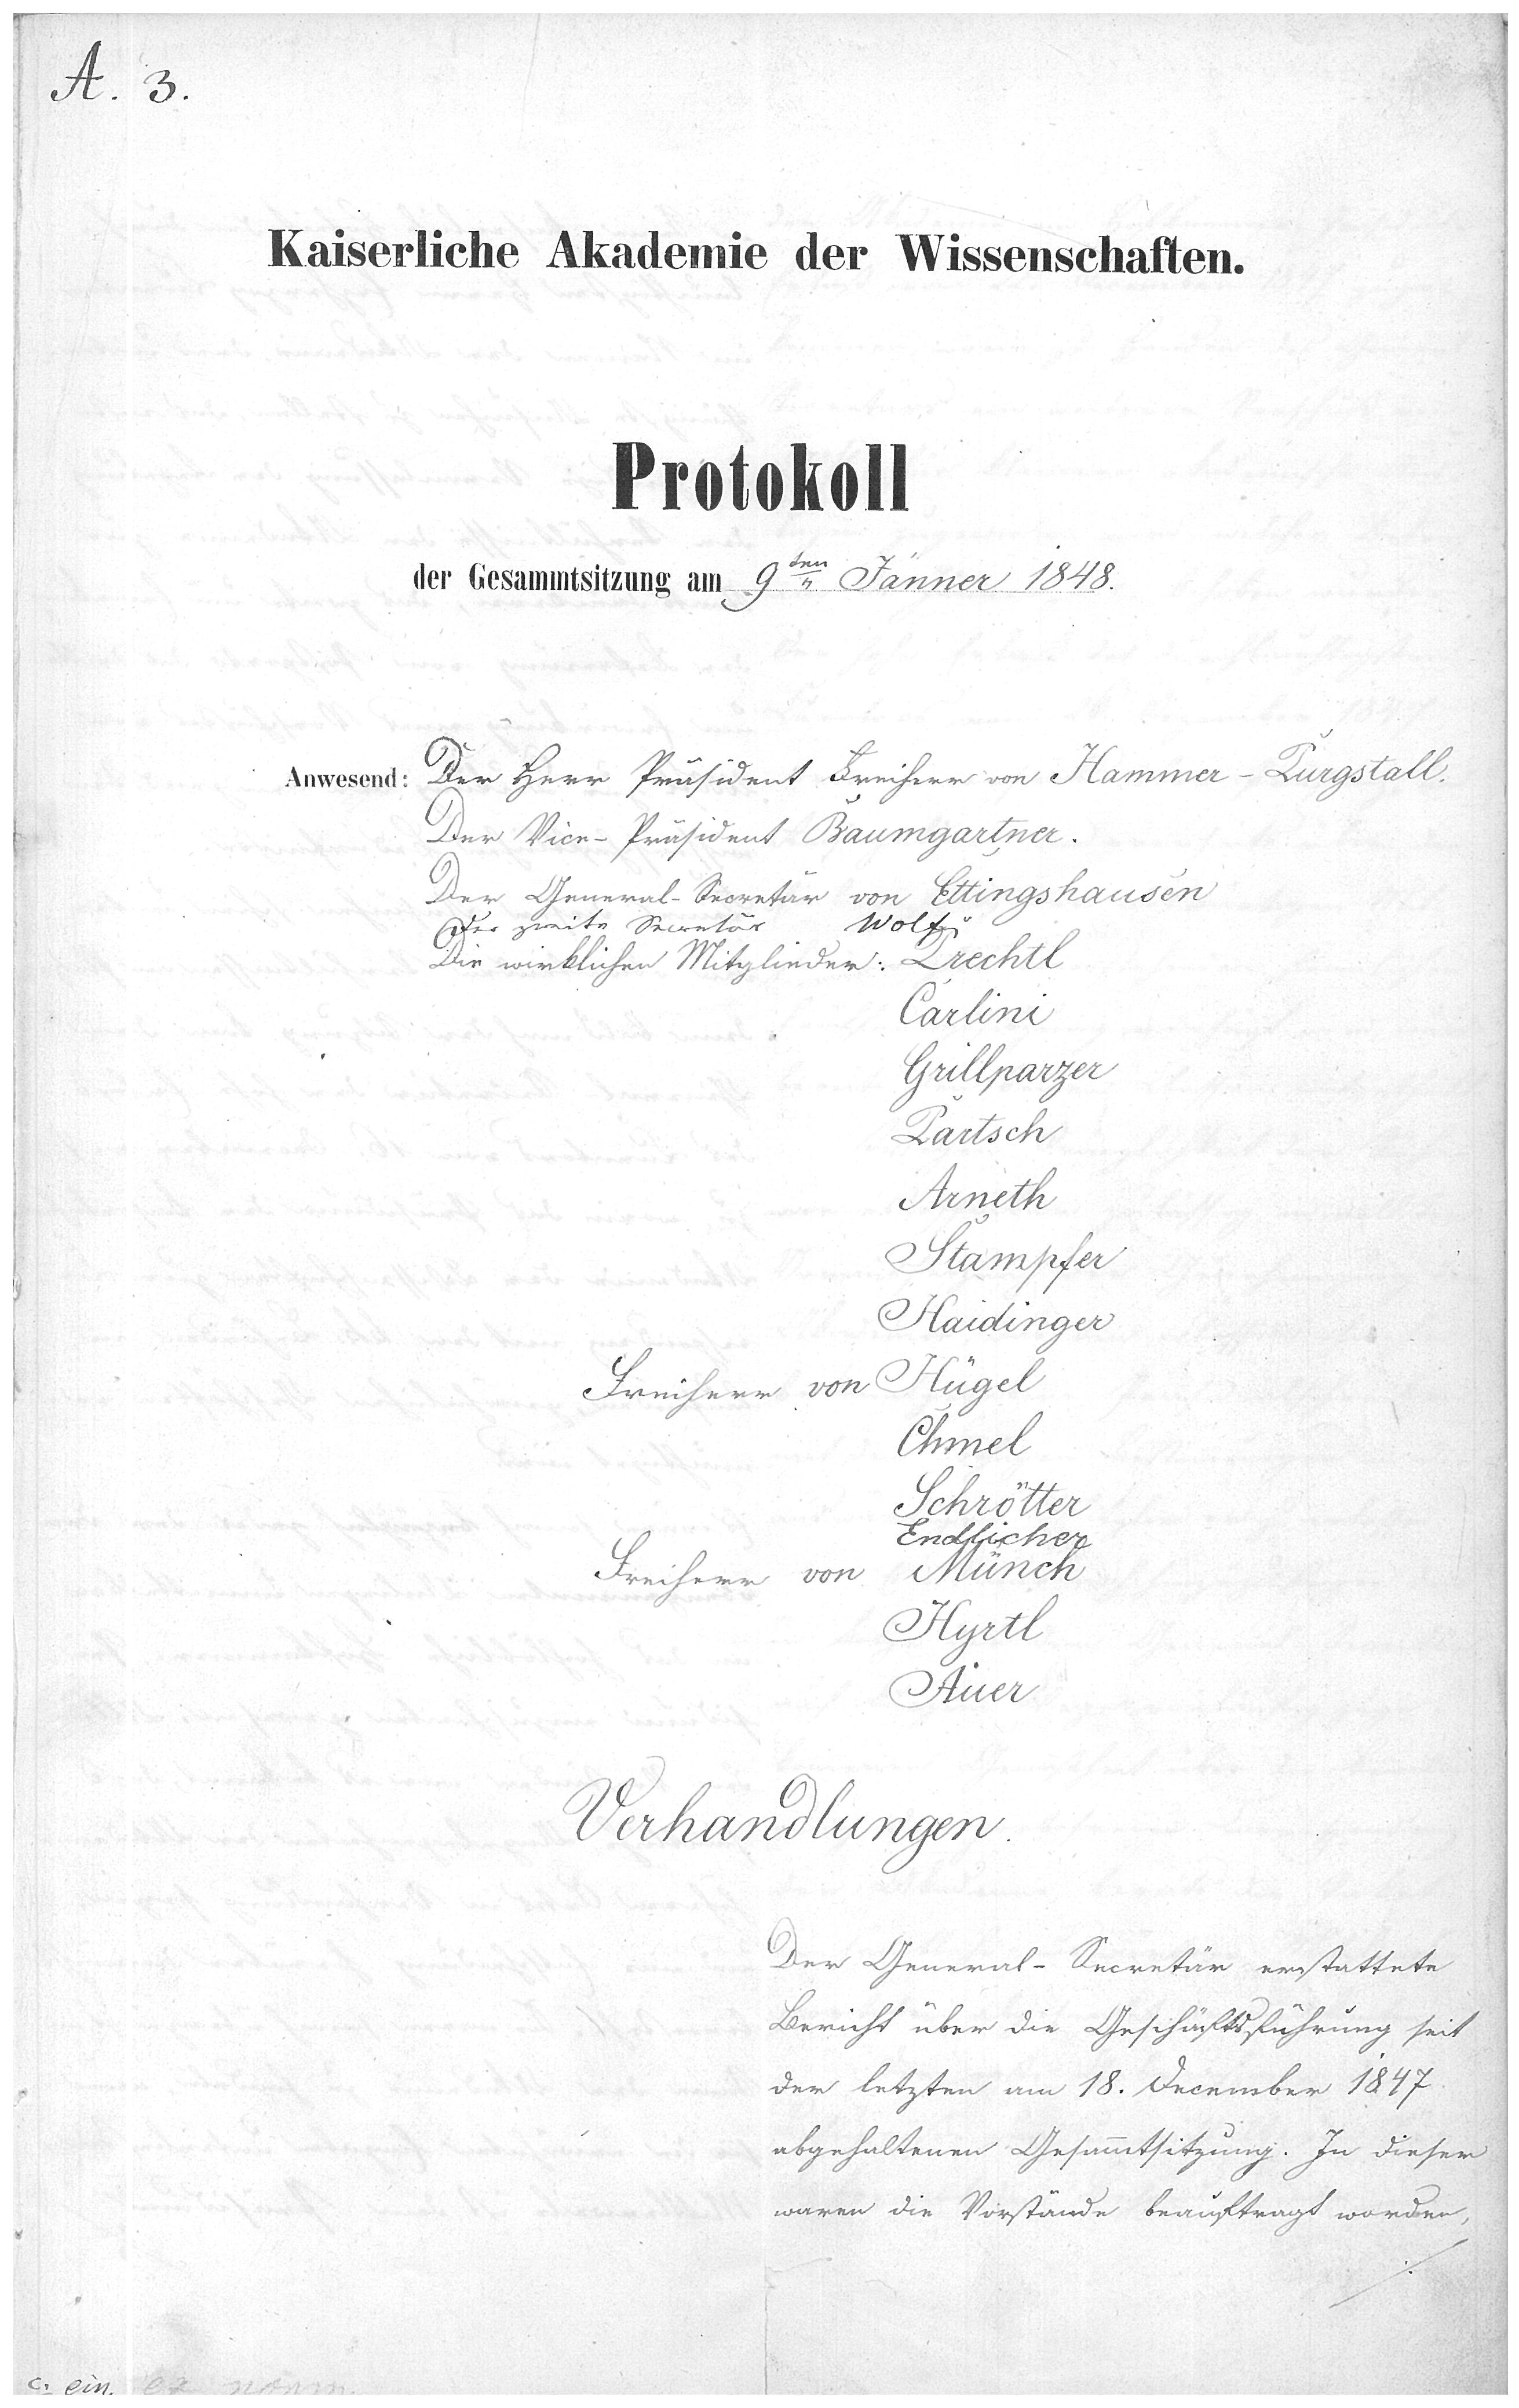A. 3.
Kaiserliche Akademie der Wissenschaften.
Protokoll
der Gesammtsitzung am 9ten Jänner 1848
Anwesend: Der Herr Präsident Freiherr von Hammer-Purgstall
Der Vice-Präsident Baumgartner
Der General-Secretär von Ettingshausen
der zweite Secretär Wolf
Die wirklichen Mitglieder: Prechtl
Carlini
Grillparzer
Partsch
Arneth
Stampfer
Haidinger
Freiherr von Hügel
Chmel
Schrötter
Endlicher
Freiherr von Münch
Hyrtl
Auer
Verhandlungen
Der General-Secretär erstattete
Bericht über die Geschäftsführung seit
der letzten am 18. December 1847
abgehaltenen Gesammtsitzung. In dieser
waren die Vorstände beauftragt worden,